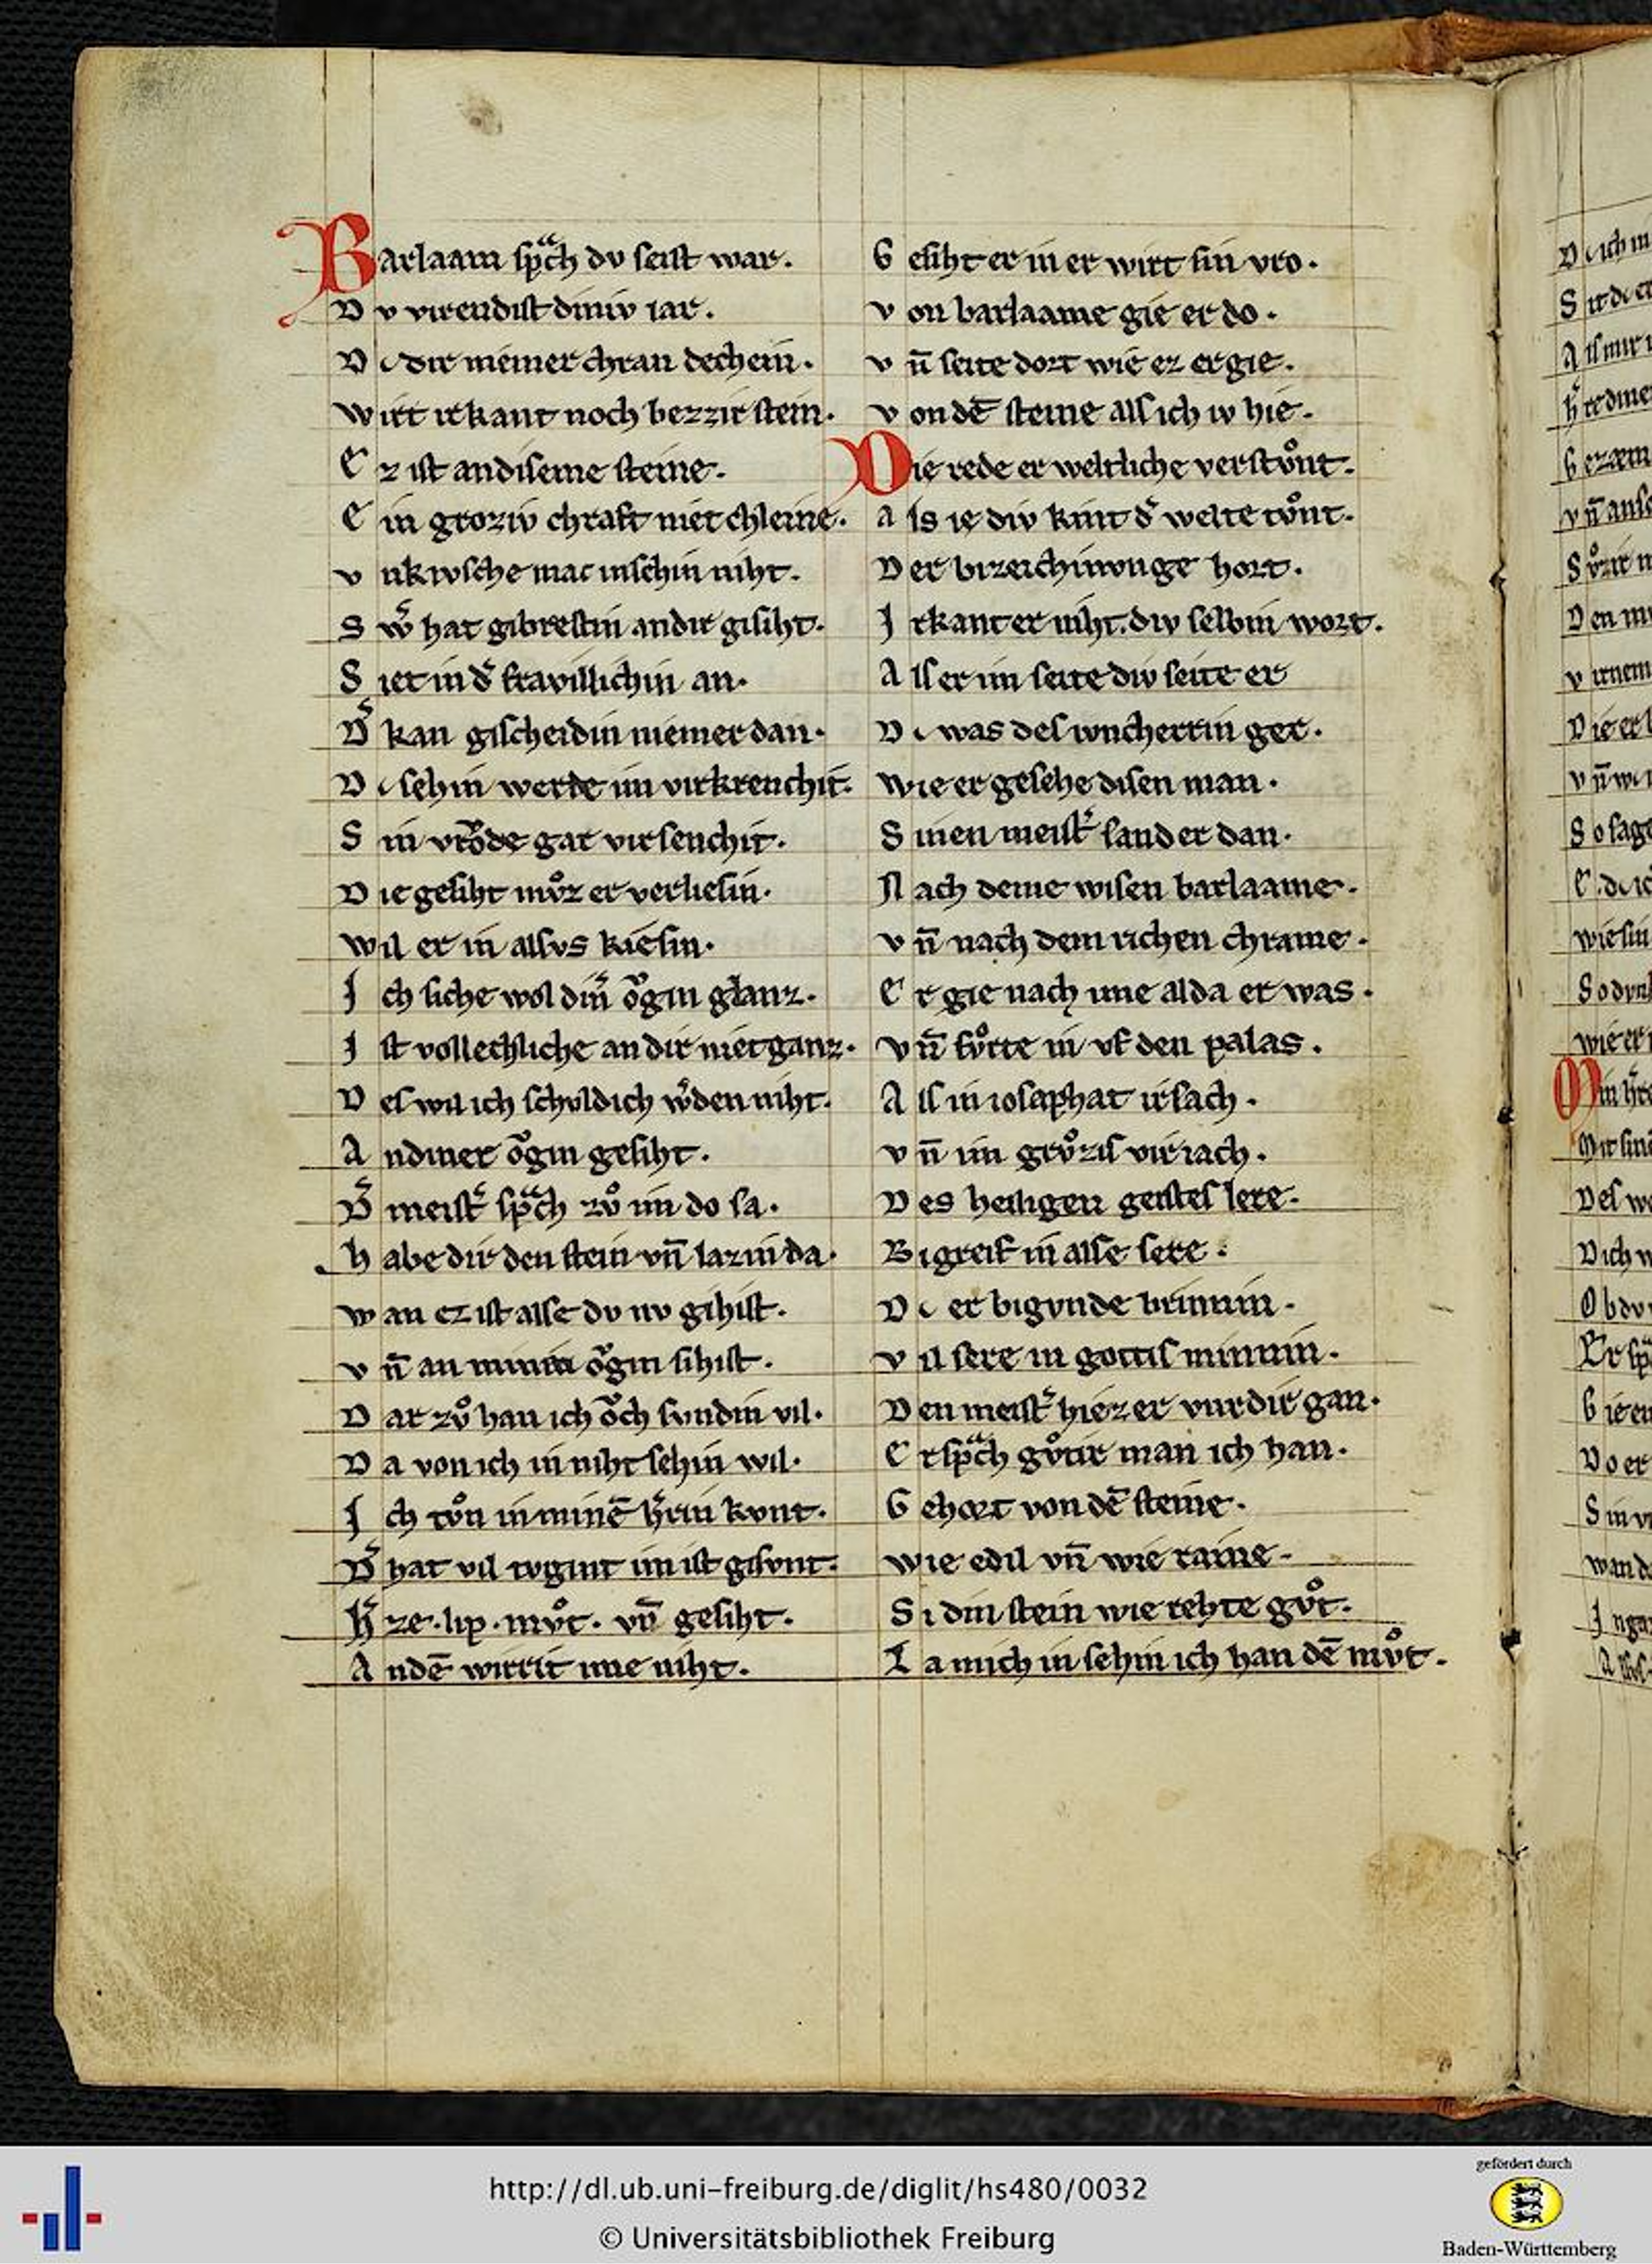**Barlaam ſp(ra)ch dv ſeiſt war.
Dv virendiſt diniv iar.
D(az) dir niemer chran dechein.
Wirt irkant noch bezzir ſtein.
Ez iſt andiſeme ſteine.
Ein groziv chraft niet chleine.
Vnkivſche mac inſehin niht.
Sw(er) hat gibreſtin andir geſiht.
Siet in d(er) fravillichin an.
D(er) kan giſcheidin niemer dan.
D(az) ſehin werde im virkrenchit.
Sin vro°vde gar virſenchit.
Die geſiht mv°oz er verlieſin.
Wil er in alſus kieſin.
Ich ſiche wol din(er) o°vgin glanz.
Iſt vollechliche an dir niet ganz.
Deſ wil ich ſchuldich w(er)den niht.
Andiner o°vgin geſiht.
D(er) meiſt(er) ſp(ra)ch zv°o im do ſa.
Habe dir den ſtein vn(d) lazin da.
Wan ez iſt alſe dv nv gihiſt.
Vn(d) an minen o°vgin ſihiſt.
Dar zv°o han ich o°vch ſvndin vil.
Da von ich in niht ſehin wil.
Ich tv°on in mine(m) h(er)rin kvnt.
D(er) hat vil tvgint im iſt giſvnt.
H(er)ze. lip. mv°ot. vn(d) geſiht.
Ande(m) wirrit ime niht.
Geſiht er in er wirt ſin vro.
Von barlaame gie er do.
Vn(d) ſeite dort wie ez ergie.
Von de(m) ſteine alſ ich iv hie.
*Die rede er weltiche verſtv°ont.
Als ie div kint d(er) welte tv°ont.
Der bizeichinvnge hort.
Irkant er niht. div ſelbin wort.
Alſ er im ſeite div ſeite er
D(az) waſ deſ ivncherrin ger.
Wie er geſehe diſen man.
Sinen meiſt(er) ſand er dan.
Nach deme wiſen barlaame.
Vn(d) nach dem richen chrame.
Er gie nach ime alda er was.
Vn(d) fv°orte in vf den palas.
Alſ in ioſaphat irſach.
Vn(d) im grv°oziſ viriach.
Des heiligen geiſteſ lere.
Bigreif in alſe ſere.
D(az) er bigvnde brinnin.
Vil ſere in gottiſ minnin.
Den meiſt(er) hiez er vurdir gan.
Erſp(ra)ch gv°otir man ich han.
Gehort von de(m) ſteine.
Wie edil vn(d) wie raine.
Si din ſtein wie rehte gv°ot.
La mich in ſehin ich han de(n) mv°ot.